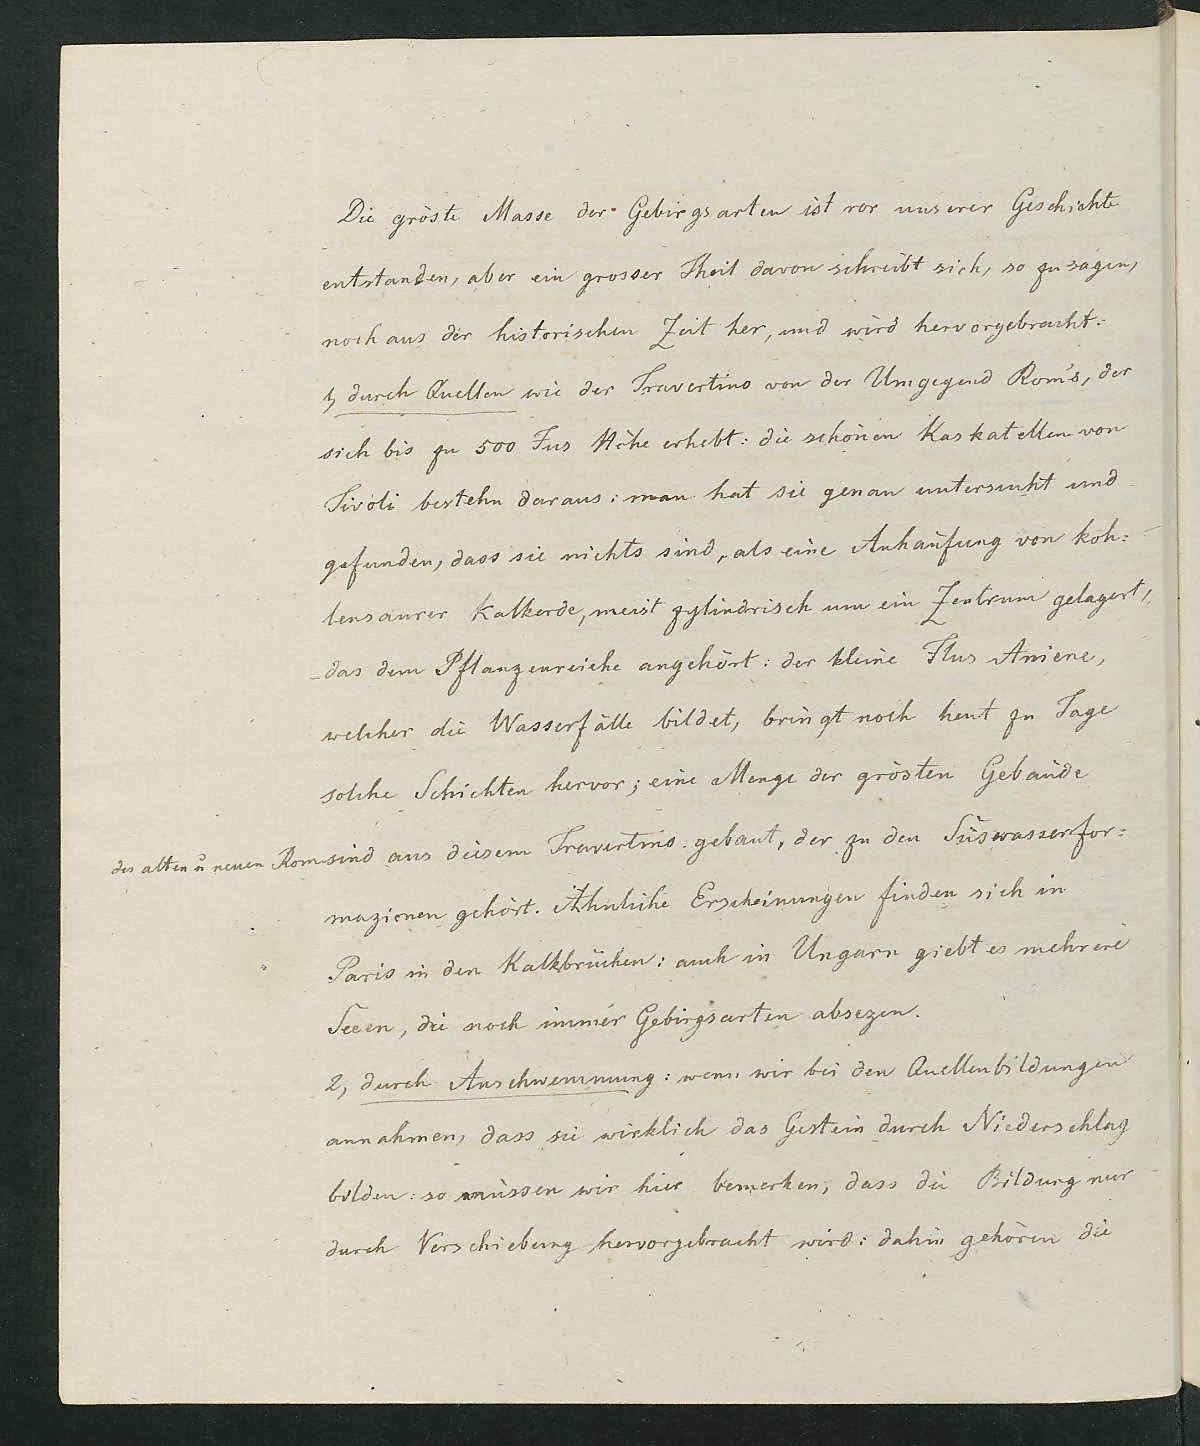Die gröste Masse der Gebirgsarten ist vor unserer Geschichte
entstanden, aber ein grosser Theil davon schreibt sich, so zu sagen,
noch aus der historischen Zeit her, und wird hervorgebracht:
1, durch Quellen wie der Travertino von der Umgegend Rom's, der
sich bis zu 500 Fus Höhe erhebt: die schönen Kaskatellen von
Tivoli bestehn daraus: man hat sie genau untersucht und
gefunden, dass sie nichts sind, als eine Anhäufung von koh-
lensaurer Kalkerde, meist zylindrisch um ein Zentrum gelagert,
das dem Pflanzenreiche angehört: der kleine Flus Aniene,
welcher die Wasserfälle bildet, bringt noch heut zu Tage
solche Schichten hervor; eine Menge der grösten Gebäude
des alten u neuen Rom sind aus diesem Travertino gebaut, der zu den Süswasserfor-
mazionen gehört. Ähnliche Erscheinungen finden sich in
Paris in den Kalkbrüchen: auch in Ungarn giebt es mehrere
Seeen, die noch immer Gebirgsarten absezen.
2, durch Anschwemmung: wenn wir bei den Quellenbildungen
annahmen, dass sie wirklich das Gestein durch Niederschlag
bilden: so wmüssen wir hier bemerken, dass die Bildung nur
durch Verschiebung hervorgebracht wird: dahin gehören die